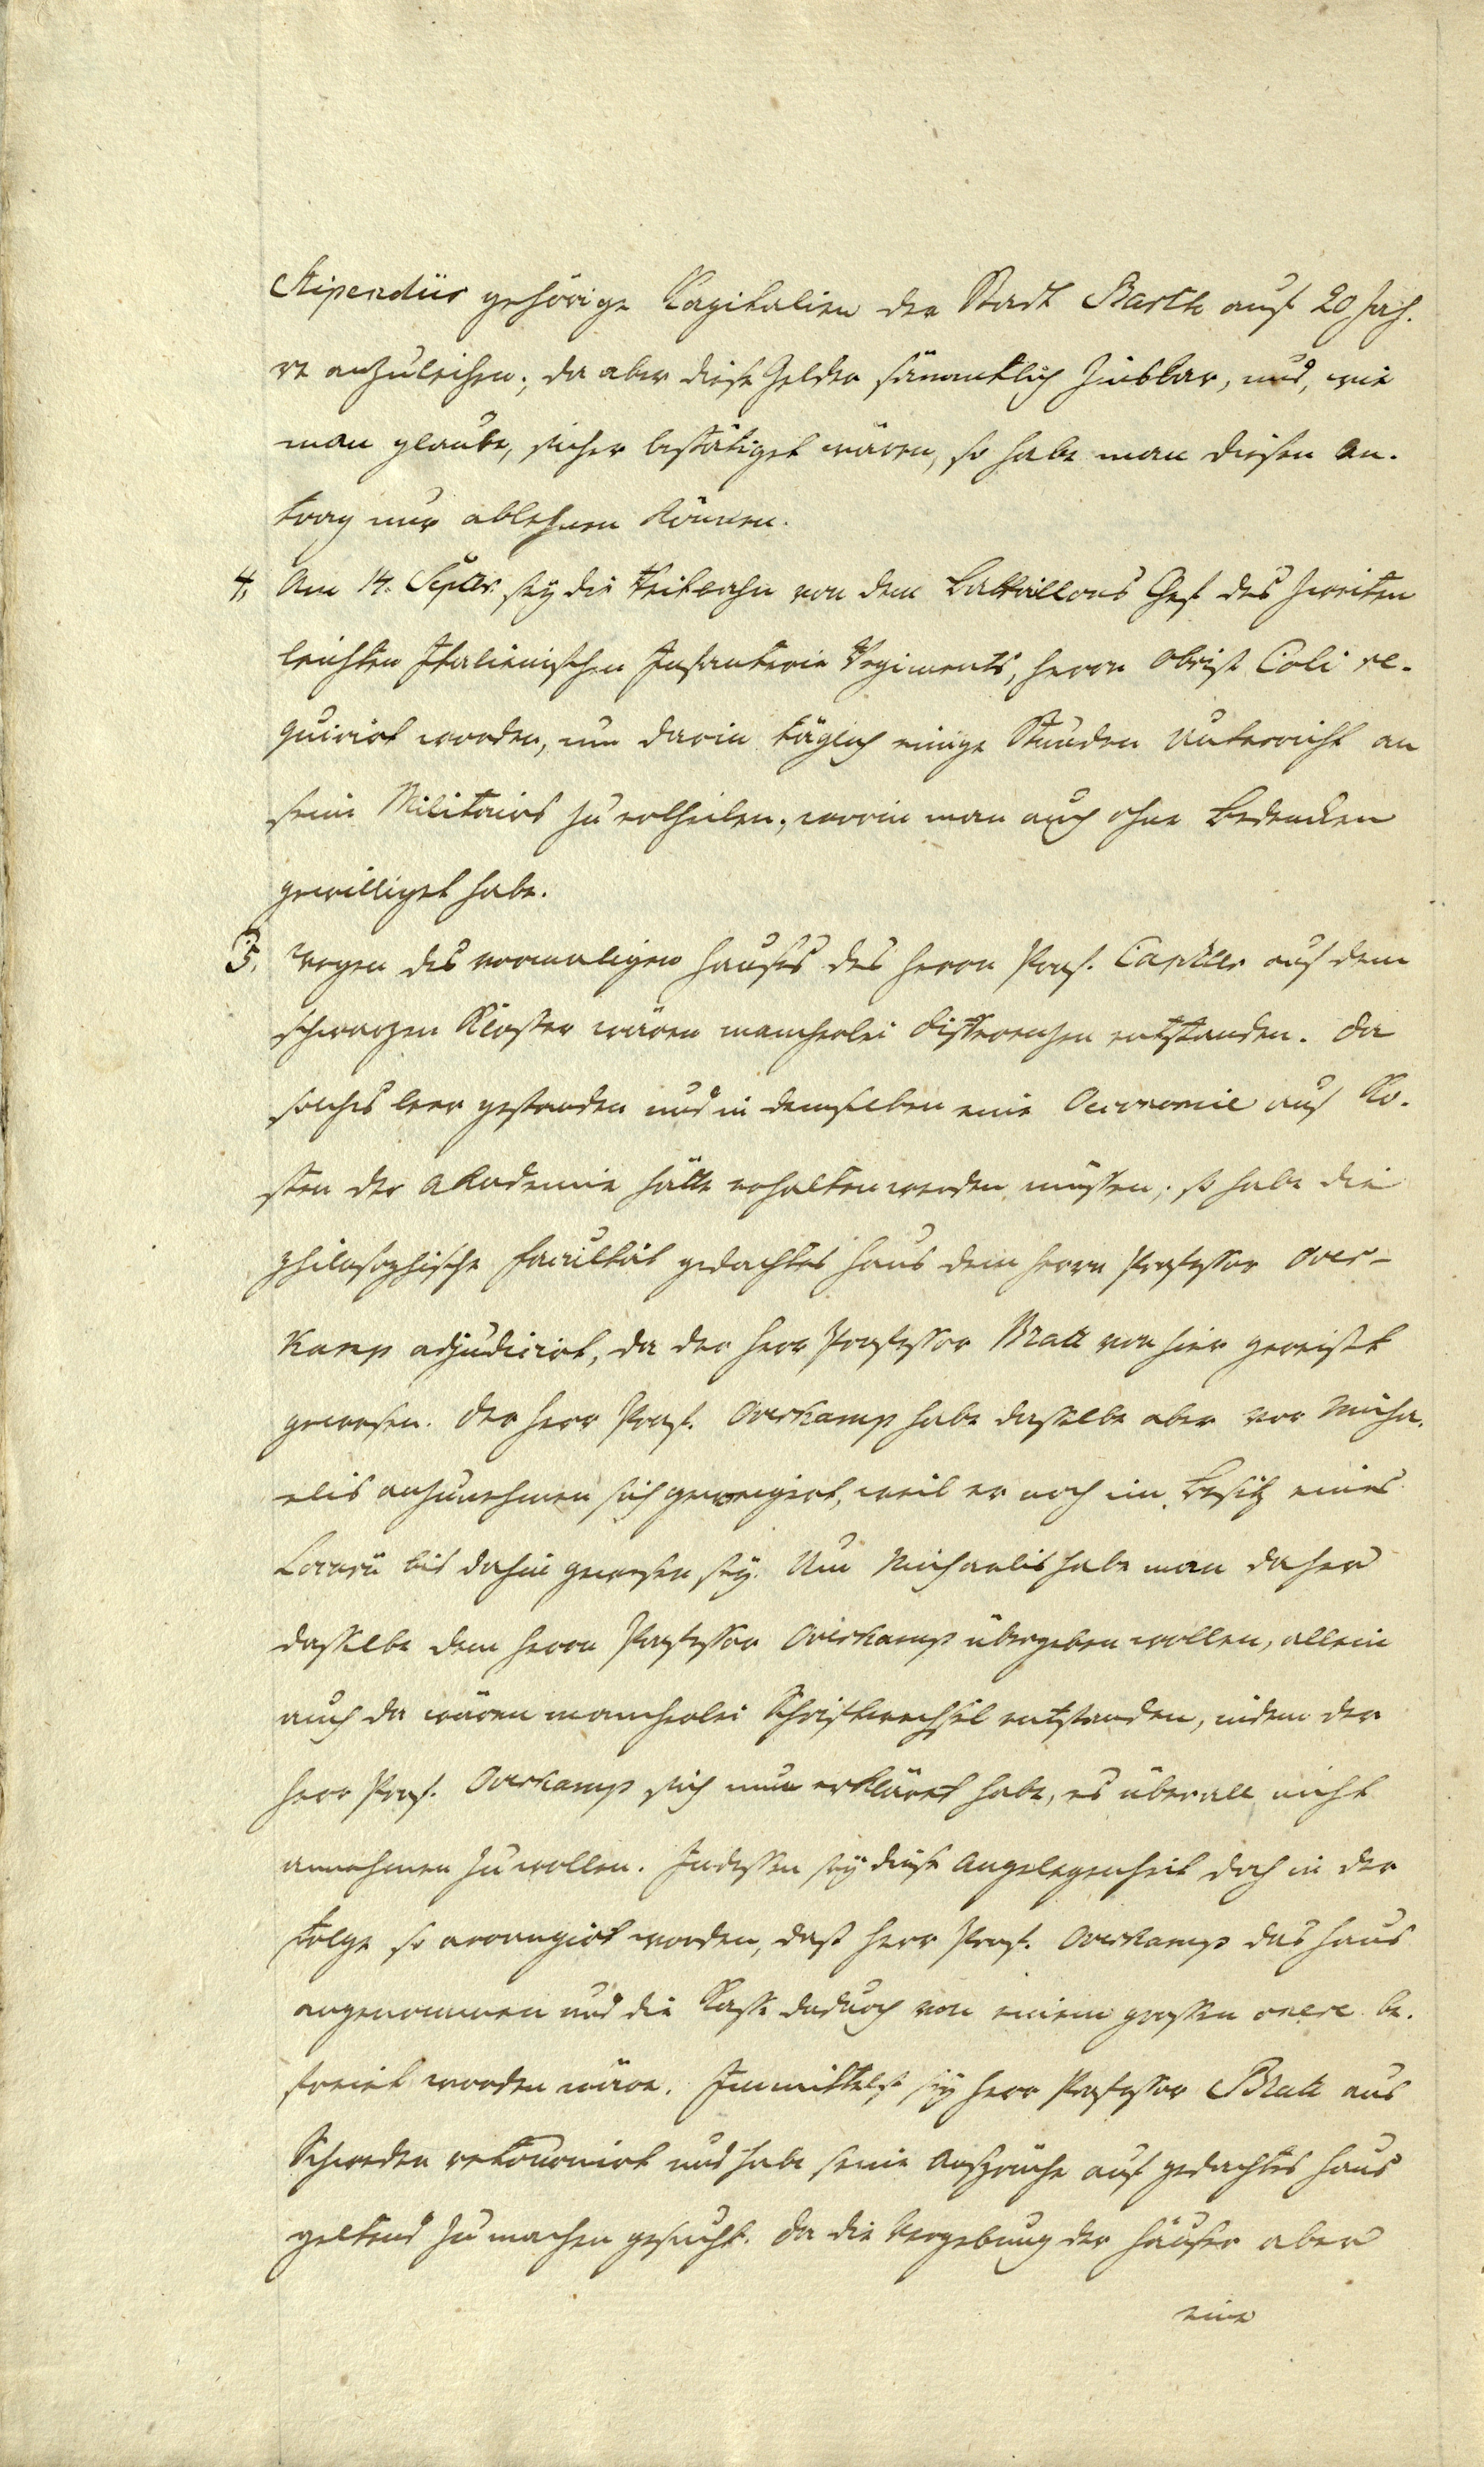Stipendiis gehörige Capitalien der Stadt Barth auf 20 Jah¬
re anzuleihen; da aber diese Gelder sämmtlich zinsbar, und, wie
man glaube, sicher bestätiget wären, so habe man diesen An¬
trag nur ablehnen können.
4. Am 14. Septbr. seÿ die Reitbahn von dem Battaillons Chef des zweiten
leichten Italienischen Infanterie Regiments, Herrn Obrist Coli re¬
quirirt worden, um darin täglich einige Stunden Unterricht an
seine Militairs zu ertheilen, worin man auch ohne Bedencken
gewilliget habe.
5. Wegen des vormaligen Hauses des Herrn Prof. Canzler auf dem
schwarzen Kloster wären mancherlei Differenzen entstanden. Da
solches leer gestanden und in demselben eine Oeconomie auf Ko¬
sten der Akademie hätte erhalten werden müssen, so habe die
philosophische Facultät gedachtes Haus dem Herrn Professor Over¬
kamp adjudicirt, da der Herr Professor Bratt von hier gereiset
gewesen. Der Herr Prof. Overkamp habe dasselbe aber vor Micha¬
elis anzunehmen sich geweigert, weil er noch im Besitz eines
Locarii bis dahin gewesen seÿ. Um Michaelis habe man daher
dasselbe dem Herrn Professor Overkamp übergeben wollen, allein
auch da wären mancherlei Schriftwechsel entstanden, indem der
Herr Prof. Overkamp sich nun erkläret habe, es überall nicht
annehmen zu wollen. Indessen seÿ diese Angelegenheit doch in der
Folge so arrangirt worden, daß Herr Prof. Overkamp das Haus
angenommen und die Kasse dadurch von einem grossen onere be¬
freiet worden wäre. Immittelst seÿ Herr Professor Bratt aus
Schweden retournirt und habe seine Ansprüche auf gedachtes Haus
geltend zu machen gesucht. Da die Vergebung der Häuser aber
eine